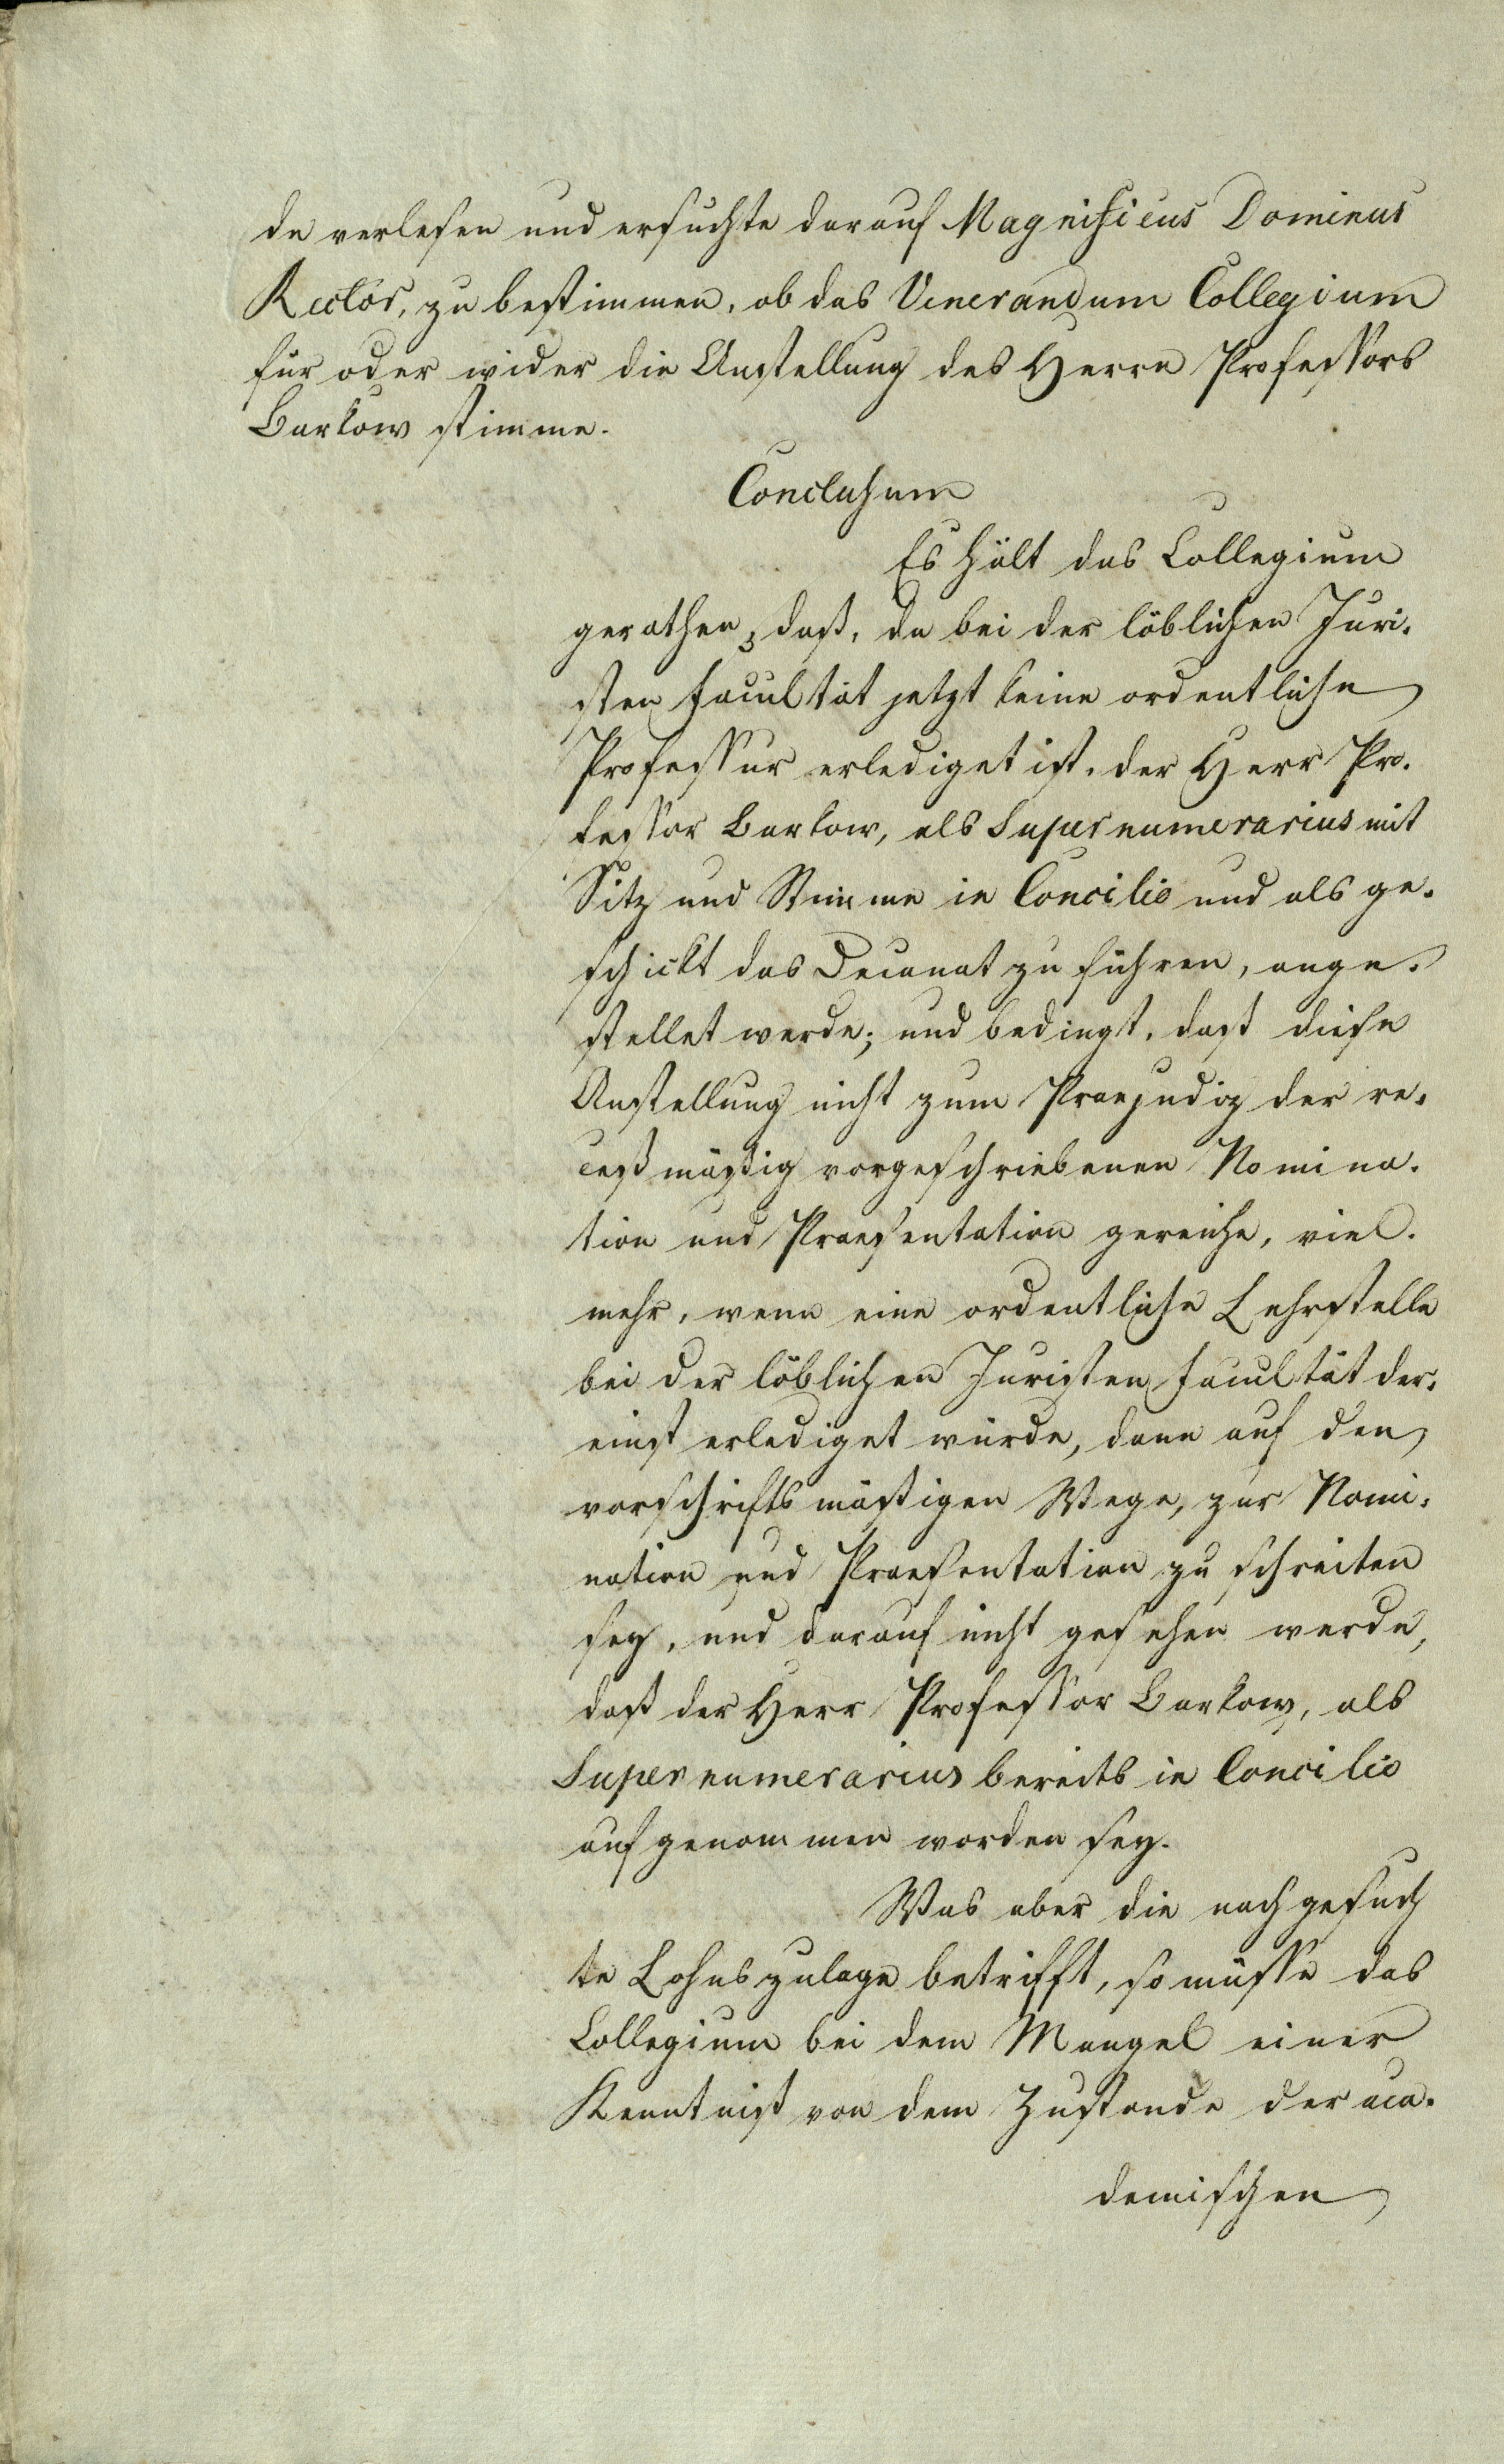de verlesen und ersuchte darauf Magnificus Dominus
Rector, zu bestimmen, ob das Venerandum Collegium
für oder wider die Anstellung des Herrn Professors
Barkow stimmen.
Conclusum
Es hält das Collegium
gerathen, daß, dabei der löblichen Juri¬
stischen Faultät jetzt keine ordentliche
Professur erledigt ist, der Herr Pro¬
fessor Barkow, als Supernumerarius mit
Sitz und Stimme in Concilio und als ge¬
schickt das Decanat zu führen, ange¬
stellet werde; und bedingt, daß diese
Anstellung nicht zum Praejudiz der re¬
ceßmäßig vorgeschriebenen Nomina¬
tion und Praesentation gereiche, viel¬
mehr, wenn eine ordentliche Lehrstelle
bei der löblichen Juristen Facultät der¬
einst erlediget würde, dann auf den
vorschriftsmäßigen Wege, zur Nomi¬
nation und Praesentation zu schreiten
sey, und darauf nicht gesehen werde,
daß der Herr Professor Barkow, als
Supernumerarius bereits in Concilio
aufgenommen worden sey.
Was aber die nachgesuch¬
te Lohnszulage betrifft, so müßte das
Collegium bei dem Mangel einer
Kenntniß von dem Zustande der aca¬
demischen